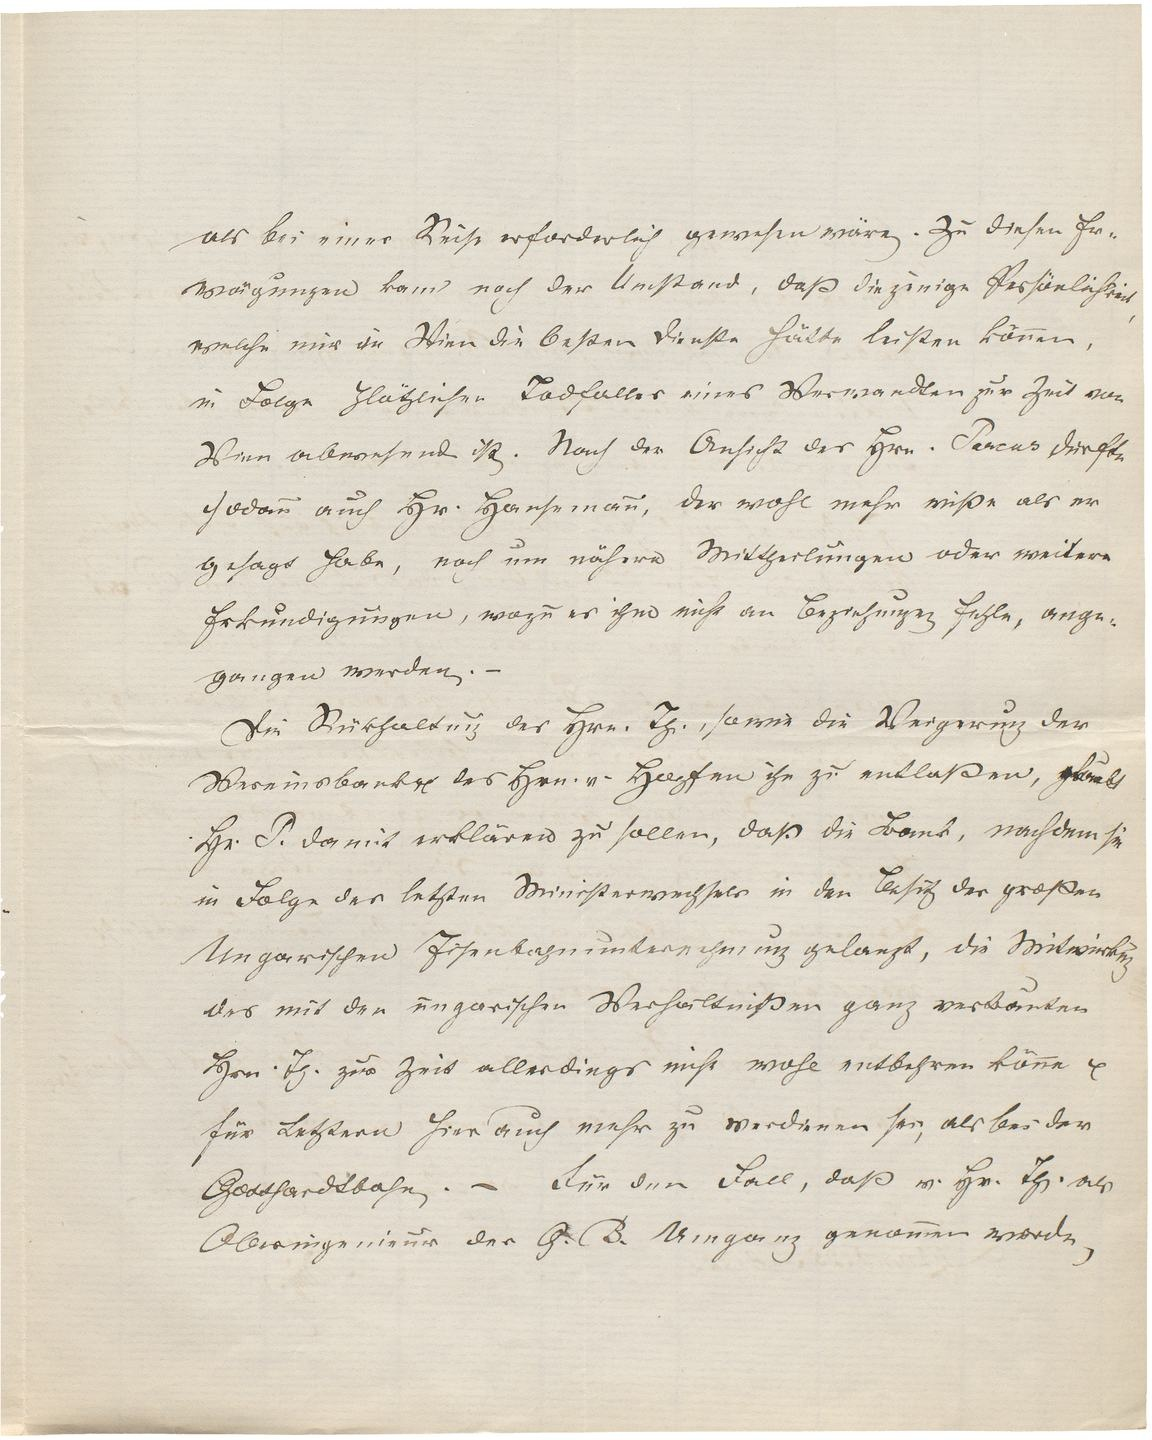als bei einer Reise erforderlich gewesen wäre. Zu diesen Er-
wägungen kam noch der Umstand, daß diejenige Persönlichkeit,
welche mir in Wien die besten Dienste hätte leisten können,
in Folge plötzlichen Todfalles eines Verwandten zur Zeit von
Wien abwesend ist. Nach der Ansicht des Hrn. Parcus dürfte
sodann auch Hr. Hansemann, der wohl mehr wiße als er
gesagt habe, noch um nähere Mittheilungen oder weitere
Erkundigungen, wozu es ihm nicht an Beziehungen fehle, ange-
gangen werden. –
Die Rükhaltung des Hrn. Th., sowie die Weigerung der
Vereinsbank & des Hrn. v. Hopfen ihn zu entlaßen, glaubt
Hr. P. damit erklären zu sollen, daß die Bank, nachdem sie
in Folge des letzten Ministerwechsels in den Besitz der großen
Ungarischen Eisenbahnunternehmung gelangt, die Mitwirkung
des mit den ungarischen Verhältnißen ganz vertrauten
Hrn. Th. zur Zeit allerdings nicht wohl entbehren könne &
für Letztern hier auch mehr zu verdienen sei, als bei der
Gotthardtbahn. – Für den Fall, daß v. Hr. Th. als
Oberingenieur der G.B. Umgang genommen werde,